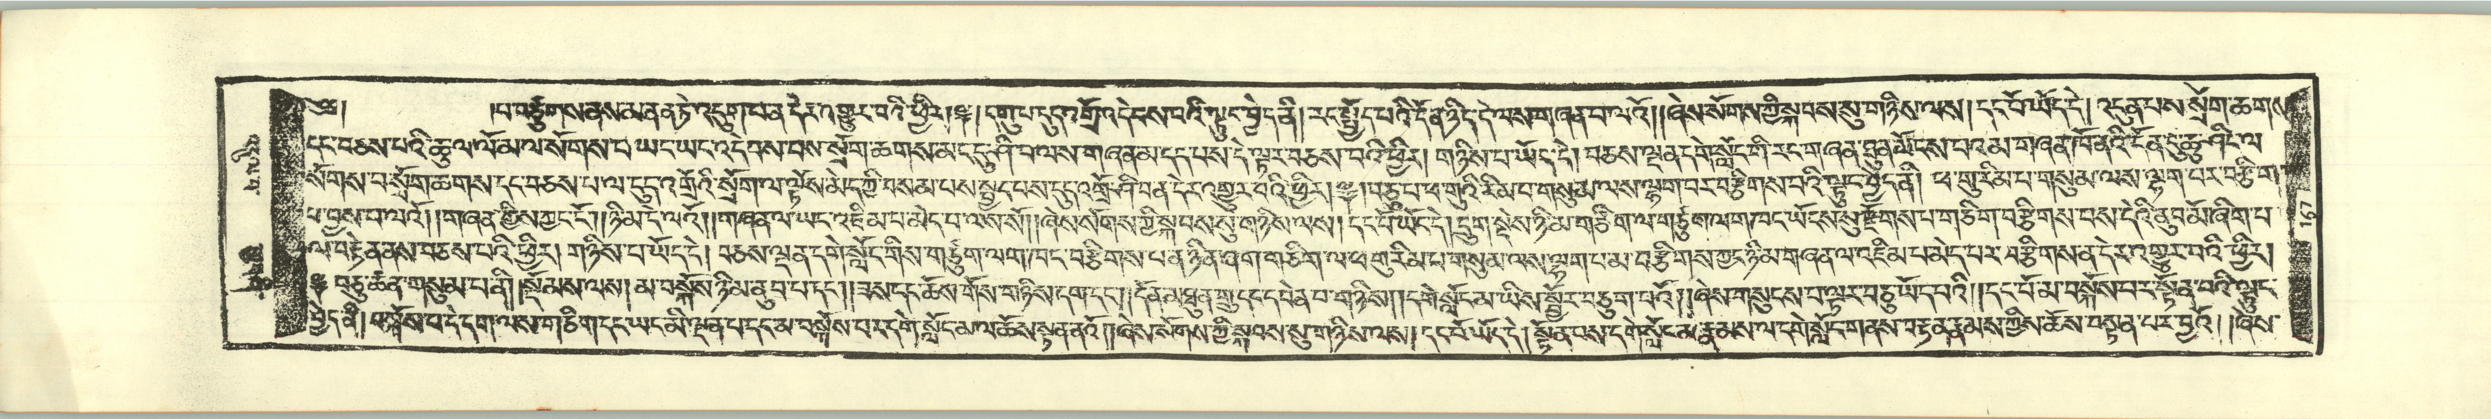༄༅། །པ་བཙུགས་ནས་མནན་ཏེ་འདུག་པ་ན་དེར་འགྱུར་པའི་ཕྱིར། ༈ །དགུ་པ་དུད་འགྲོ་འདེབས་བའི་ལྟུང་བྱེད་ནི། རང་སྤྱོད་པའི་དོན་ཉིད་དེ་ལས་གཞན་པ་ལའོ། །ཞེས་སོགས་ཀྱི་སྐབས་སུ་གཉིས་ལས། དང་པོ་ཡོད་དེ། འདུན་པས་སྲོག་ཆགས་
དང་བཅས་པའི་ཆུ་ལ་ལོ་མ་ལ་སོགས་པ་ཡང་ཡང་འདེབས་པས་སྲོག་ཆགས་མང་དུ་ཤི་བ་ལས་གཞན་མ་དད་པས་དེ་ལྟར་བཅས་པའི་ཕྱིར། གཉིས་པ་ཡོད་དེ། བཅས་ལྡན་དགེ་སློང་གི་རང་གཞན་ཐུན་མོངས་པའམ་གཞན་ཁོ་ནའི་དོན་དུ་ཆུ་ཤིང་ལ་
སོགས་བ་སྲོག་ཆགས་དང་བཅས་པ་ལ་དུད་འགྲོའི་སྲོག་ལ་ལྟོས་མེད་ཀྱི་བསམ་པས་སྤྱད་པས་དུད་འགྲོ་ཤི་བ་ན་དེར་འགྱུར་བའི་ཕྱིར། ༈ །བཅུ་པ་ཕ་གུའི་རིམ་པ་གསུམ་ལས་ལྷག་པར་བརྩིགས་བའི་ལྟུང་བྱེད་ནི། ཕ་གུ་རིམ་པ་གསུམ་ལས་ལྷག་བར་བརྩིག་
པ་བྱས་པ་ལའོ། །གཞན་གྱིས་ཀྱང་ངོ། །ཉི་མ་དེ་ལའོ། །གཞན་ལ་ཡང་འཇིམ་པ་མེད་པ་ལས་སོ། །ཞེས་སོགས་ཀྱི་སྐབས་སུ་གཉིས་ལས། དང་པོ་ཡོད་དེ། དྲུག་སྡེས་ཉི་མ་གཅིག་ལ་གཙུག་ལག་ཁང་ཡོངས་སུ་རྫོགས་པ་གཅིག་བརྩིགས་པས་དེའི་ནུབ་མོ་ཞིག་པ་
ལ་བརྟེན་ནས་བཅས་པའི་ཕྱིར། གཉིས་པ་ཡོད་དེ། བཅས་ལྡན་དགེ་སློང་གིས་གཙུག་ལག་ཁང་བརྩིགས་པ་ན་ཉིན་ཞག་གཅིག་ལ་ཕ་གུ་རིམ་པ་གསུམ་ལས་ལྷག་པ་མ་བརྩིགས་ཀྱང་ཉི་མ་གཞན་ལ་འཇིམ་པ་མེད་པར་བརྩིགས་ན་དེར་འགྱུར་བའི་ཕྱིར།
༈ བཅུ་ཚན་གསུམ་པ་ནི། །སྡོམས་ལས། མ་བསྐོས་ཉི་མ་ནུབ་པ་དང་། །ཟས་དང་ཆོས་གོས་གཉིས་དག་དང་། །དོན་མཐུན་གྲུ་དང་དབེན་པ་གཉིས། །དགེ་སློང་མ་ཡིས་སྦྱོར་བཅུག་པའོ། །ཞེས་གསུངས་པ་ལྟར་བཅུ་ཡོད་པའི། །དང་པོ་མ་བསྐོས་པར་སྟོན་པའི་ལྟུང་
བྱེད་ནི། བསྐོས་པ་དེ་དག་ལས་གཅིག་དང་ཡང་མི་ལྡན་པ་དང་མ་བསྐོས་པར་དགེ་སློང་མ་ལ་ཆོས་སྟན་ནའོ། །ཞེས་སོགས་ཀྱི་སྐབས་སུ་གཉིས་ལས། དང་པོ་ཡོད་དེ། སྟོན་པས་དགེ་སློང་མ་རྣམས་ལ་དགེ་སློང་གནས་བརྟན་རྣམས་ཀྱིས་ཆོས་བསྟན་པར་བྱའོ། །ཞེས་